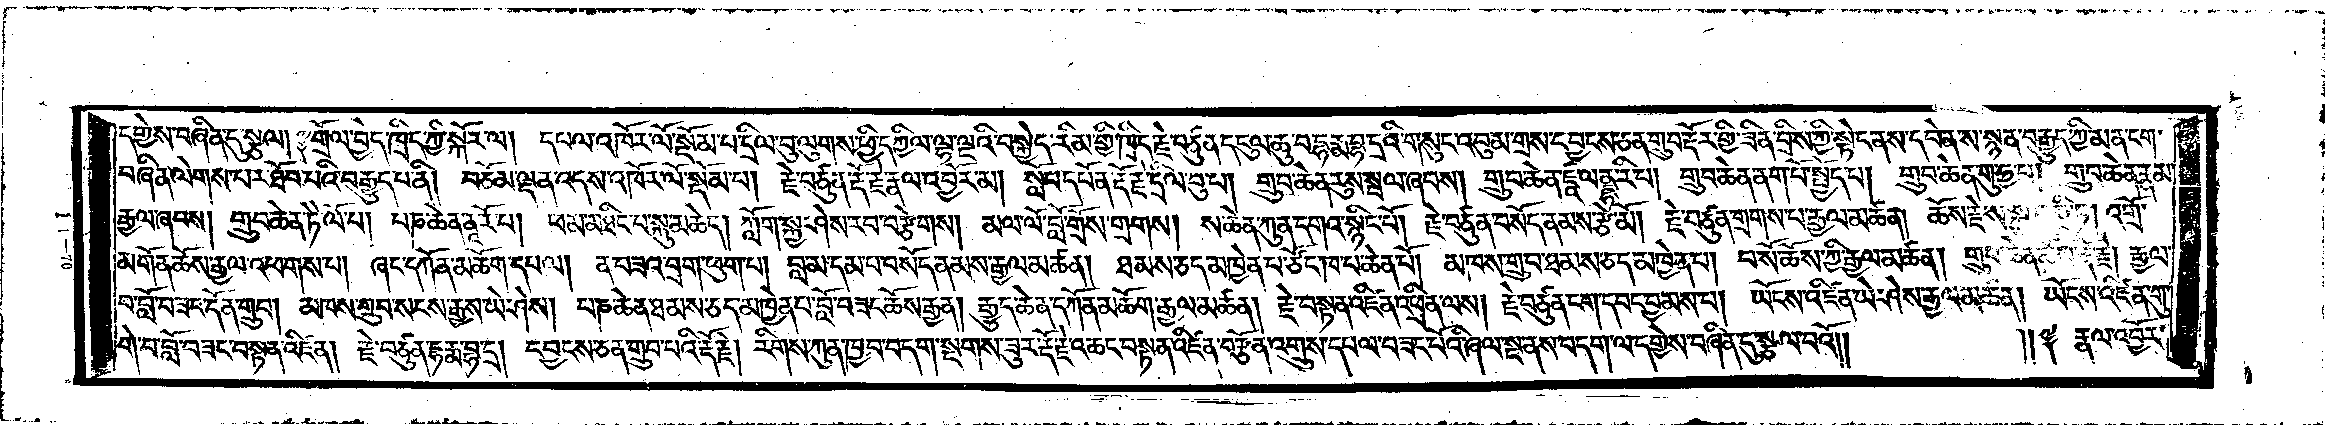དགྱེས་བཞིན་དུ་སྩལ། ༈གྲོལ་བྱེད་ཁྲིད་ཀྱི་སྐོར་ལ། དཔལ་འཁོར་ལོ་སྡོམ་པ་དྲིལ་བུ་ལུགས་ཕྱི་དཀྱིལ་ལྷ་ལྔའི་བསྐྱེད་རིམ་གྱི་ཁྲིད་རྗེ་བཙུན་དངུལ་ཆུ་བ་དྷ་རྨ་བྷ་དྲའི་གསུང་འབུམ་གྲས་དབྱངས་ཅན་གྲུབ་རྡོར་གྱི་ཟིན་བྲིས་ཀྱི་སྟེང་ནས་དབེན་ས་སྙན་བརྒྱུད་ཀྱི་མན་ངག་
བཞིན་ལེགས་པར་ཐོབ་པའི་བརྒྱུད་པ་ནི། བཅོམ་ལྡན་འདས་འཁོར་ལོ་སྡོམ་པ། རྗེ་བཙུན་རྡོ་རྗེ་རྣལ་འབྱོར་མ། སློབ་དཔོན་རྡོ་རྗེ་དྲིལ་བུ་པ། གྲུབ་ཆེན་རུས་སྦལ་ཞབས། གྲུབ་ཆེན་ཛཱ་ལནྡྷ་རི་པ། གྲུབ་ཆེན་ནག་པོ་སྤྱོད་པ། གྲུབ་ཆེན་གུ་ཧྱ་པ། གྲུབ་ཆེན་རྣམ་
རྒྱལ་ཞབས། གྲུབ་ཆེན་ཏཻ་ལོ་པ། པཎ་ཆེན་ནཱ་རོ་པ། ཕ་མ་མཐིང་པ་སྐུ་མཆེད། ཀློག་སྐྱ་ཤེས་རབ་བརྩེགས། མལ་ལོ་བློ་གྲོས་གྲགས། ས་ཆེན་ཀུན་དགའ་སྙིང་པོ། རྗེ་བཙུན་བསོད་ནམས་རྩེ་མོ། རྗེ་བཙུན་གྲགས་པ་རྒྱལ་མཚན། ཆོས་རྗེ་ས་སྐྱ་པཎྜི་ཏ། འགྲོ་མགོན་ཆོས་རྒྱལ་འཕགས་པ། ཞང་དཀོན་མཆོག་དཔལ། ན་བཟའ་བྲག་ཕུག་པ། བླ་མ་དམ་པ་བསོད་ནམས་རྒྱལ་མཚན། ཐམས་ཅད་མཁྱེན་པ་ཙོང་ཁ་པ་ཆེན་པོ། མཁས་གྲུབ་ཐམས་ཅད་མཁྱེན་པ། བ་སོ་ཆོས་ཀྱི་རྒྱལ་མཚན། གྲུབ་ཆེན་ཆོས་རྡོ་རྗེ། རྒྱལ་
བ་བློ་བཟང་དོན་གྲུབ། མཁས་གྲུབ་སངས་རྒྱས་ཡེ་ཤེས། པཎ་ཆེན་ཐམས་ཅད་མཁྱེན་པ་བློ་བཟང་ཆོས་རྒྱན། རྒྱུད་ཆེན་དཀོན་མཆོག་རྒྱལ་མཚན། རྗེ་བསྟན་འཛིན་འཕྲིན་ལས། རྗེ་བཙུན་ངག་དབང་བྱམས་པ། ཡོངས་འཛིན་ཡེ་ཤེས་རྒྱལ་མཚན། ཡོངས་འཛིན་གུ་
གེ་བ་བློ་བཟང་བསྟན་འཛིན། རྗེ་བཙུན་དྷརྨ་བྷ་དྲ། དབྱངས་ཅན་གྲུབ་པའི་རྡོ་རྗེ། རིགས་ཀུན་ཁྱབ་བདག་སྔགས་ཟུར་རྡོ་རྗེ་འཆང་བསྟན་འཛིན་བརྩོན་འགྲུས་དཔལ་བཟང་པོའི་ཞལ་སྔ་ནས་བདག་ལ་དགྱེས་བཞིན་དུ་སྩལ་བའོ།། །།༈ རྣལ་འབྱོར་